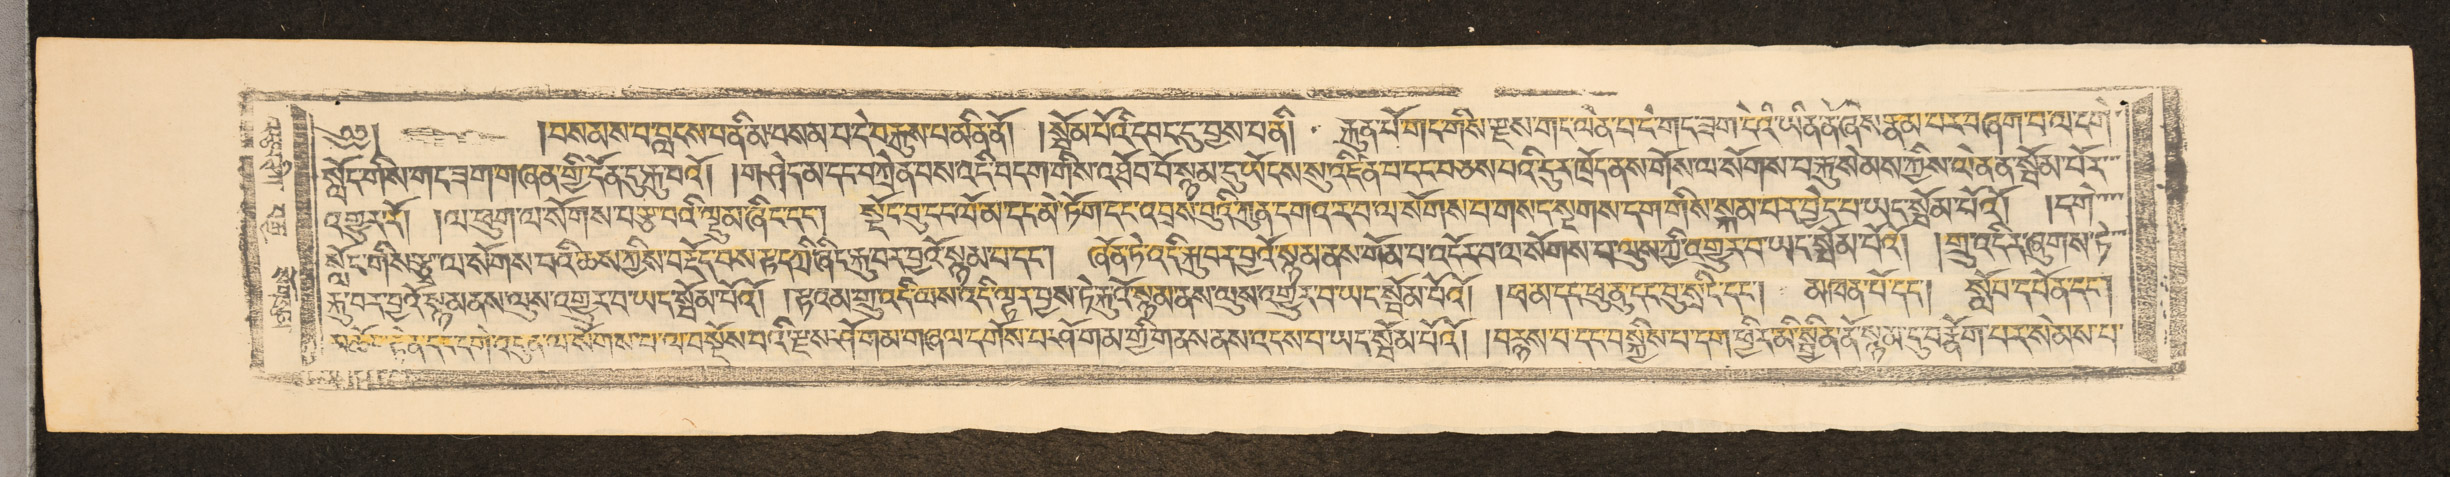༄༅། །བསམས་པ་བླངས་པ་ནི་མ་བསམ་པ་དེ་བརྐུས་པ་མིན་ནོ། །སྦོམ་པོའི་དབང་དུ་བྱས་པ་ནི། རྐུན་པོ་གང་གིས་རྫས་གང་ལེན་བ་དེ་གང་ཟག་དེའི་ཡིན་ནོ་ཞེས་རྣམ་པར་བཞག་པ་ལ་དགེ་
སློང་གིས་གང་ཟག་གཞན་གྱི་དོན་དུ་རྐུ་བའོ། །གཤེད་མ་དང་བཀྲེན་པས་འདི་བདག་གིས་འཐོབ་བོ་སྙམ་དུ་ཡོངས་སུ་འཛིན་པ་དང་བཅས་པའི་དུར་ཁྲོད་ནས་གོས་ལ་སོགས་པ་རྐུ་སེམས་ཀྱིས་ལེན་ན་སྦོམ་པོར་
འགྱུར་རོ། །ལ་ཕུག་ལ་སོགས་པ་རྩ་བའི་ལྡུམ་ཞིང་དང་། སྡོང་བུ་དང་ལོ་མ་དང་མེ་ཏོག་དང་འབྲས་བུའི་ཀུན་དགའ་ར་བ་ལ་སོགས་བ་གསང་སྔགས་དག་གིས་སྐམ་པར་བྱེད་པ་ཡང་སྦོམ་པོའོ། །དགེ་
སློང་གིས་རྩྭ་ལ་སོགས་པའི་ཆས་ཀྱིས་བརྡོད་པས་རྟ་དཀྲི་ཞིང་རྐུ་བར་བྱའོ་སྙམ་པ་དང་། ཞོན་ཏེ་འདི་རྐུ་བར་བྱའོ་སྙམ་ནས་གོམ་པ་འདོར་བ་ལ་སོགས་པ་ལུས་ཀྱི་འགྱུར་བ་ཡང་སྦོམ་པོའོ། །གྲུ་འདིར་ཞུགས་ཏེ་
རྐུ་བར་བྱའོ་སྙམ་ནས་ལུས་འགྱུར་བ་ཡང་སྦོམ་པོའོ། །རྟ་འམ་གྲུ་འདི་ལས་འདི་ལྟར་བྱས་ཏེ་རྐུའོ་སྙམ་ནས་ལུས་འགྱུར་བ་ཡང་སྦོམ་པོའོ། །ཕ་མ་དང་ཕུ་ནུ་དང་བུ་སྲིང་དང་། མཁན་པོ་དང་། སློབ་དཔོན་དང་།
མཆོད་རྟེན་དང་དགེ་འདུན་ལ་སོགས་པ་ལ་བསྔོས་པའི་རྫས་ཤོགས་གཞལ་དགོས་པ་ཤོ་གམ་གྱི་གནས་ནས་འདས་པ་ཡང་སྦོམ་པོའོ། །བརྙས་པ་དང་བསྐྱིས་པ་དག་ཕྱིར་མི་སྦྱིན་ནོ་སྙམ་དུ་བརྣོག་པར་སེམས་པ་